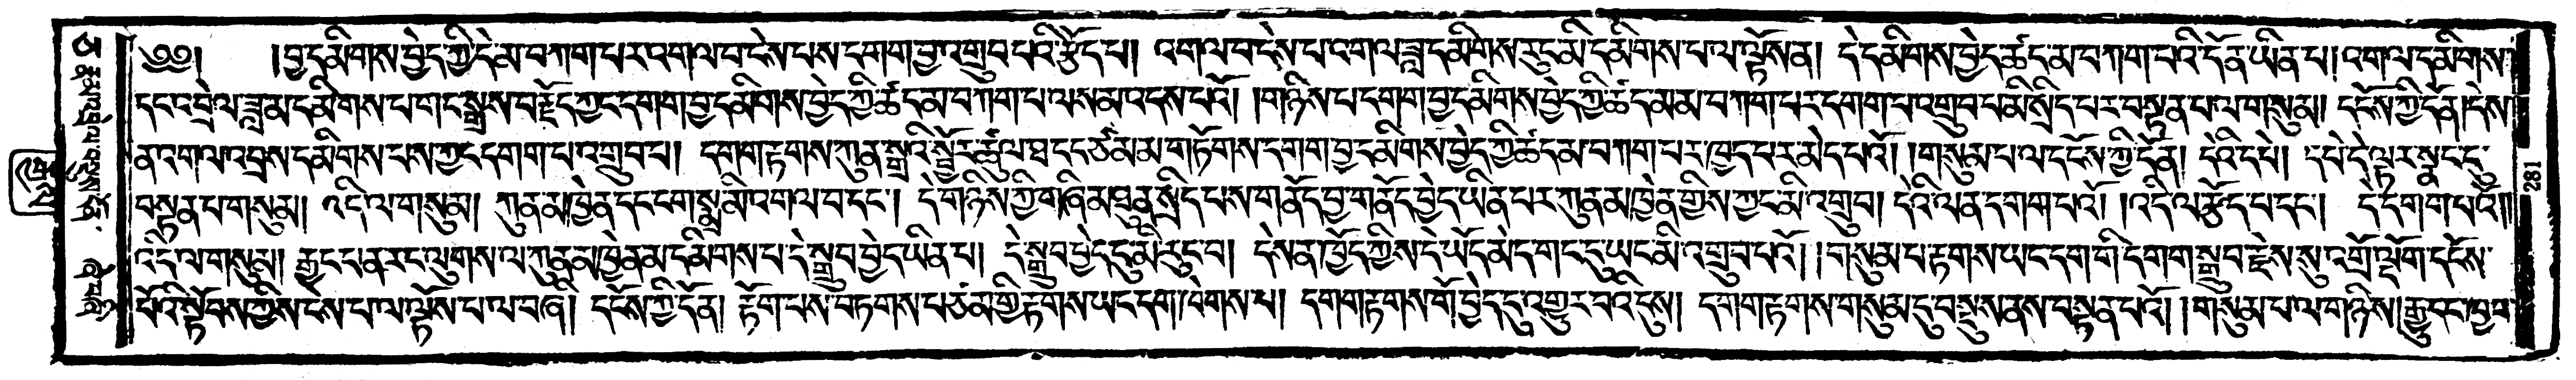༄༅། །བྱ་དམིགས་བྱེད་ཀྱི་དེ་མ་བཀག་པར་འགལ་བ་ངེས་པས་དགག་བྱ་འགྲུབ་པའི་རྩོད་པ། འགལ་བ་ངེས་པ་འགལ་ཟླ་དམིགས་རུང་མི་དམིགས་པ་ལ་ལྟོས་ན། དེ་དམིགས་བྱེད་ཚད་མ་བཀག་པའི་དོན་ཡིན་པ། འགལ་དམིགས་
དང་འབྲེལ་ཟླ་མ་དམིགས་པ་གང་སྒྲས་བརྗོད་ཀྱང་དགག་བྱ་དམིགས་བྱེད་ཀྱི་ཚད་མ་བཀག་པ་ལས་མ་འདས་པའོ། །གཉིས་པ་དགག་བྱ་དམིགས་བྱེད་ཀྱི་ཚད་མ་མ་བཀག་པར་དགག་པ་འགྲུབ་པ་མི་སྲིད་པར་བསྟན་པ་ལ་གསུམ། དངོས་ཀྱི་དོན། དེས་
ན་འགལ་འབྲས་དམིགས་པས་ཀྱང་དགག་པ་འགྲུབ་པ། དགག་རྟགས་ཀུན་སྒྲའི་སྦྱོར་ཚུལ་ཐ་དད་ཙམ་མ་གཏོགས་དགག་བྱ་དམིགས་བྱེད་ཀྱི་ཚད་མ་བཀག་པར་ཁྱད་པར་མེད་པའོ། །གསུམ་པ་ལ་དངོས་ཀྱི་དོན། དེའི་དཔེ། དཔེ་དེ་ལྟར་སྣང་དུ་
བསྟན་པ་གསུམ། འདི་ལ་གསུམ། ཀུན་མཁྱེན་དང་ངག་སྨྲ་མི་འགལ་བ་དང་། དེ་གཉིས་ཀྱི་གཞི་མཐུན་སྲིད་པས་གནོད་བྱ་གནོད་བྱེད་ཡིན་པར་ཀུན་མཁྱེན་གྱིས་ཀྱང་མི་འགྲུབ། དེའི་ལན་དགག་པའོ། །འདི་ལ་རྩོད་པ་དང་། དེ་དགག་པའོ། །
འདི་ལ་གསུམ། རྒྱང་པན་རང་ལུགས་ལ་ཀུན་མཁྱེན་མ་དམིགས་པ་དེ་སྒྲུབ་བྱེད་ཡིན་པ། དེ་སྒྲུབ་བྱེད་དུ་མི་རུང་བ། དེས་ན་ཁྱོད་ཀྱིས་དེ་ཡོད་མེད་གང་དུ་ཡང་མི་འགྲུབ་པའོ། །གསུམ་པ་རྟགས་ཡང་དག་གི་དགག་སྒྲུབ་རྗེས་སུ་འགྲོ་ལྡོག་དངོས་
པོའི་སྟོབས་ཀྱིས་ངེས་པ་ལ་ལྟོས་པ་ལ་བཞི། དངོས་ཀྱི་དོན། རྟོག་པས་བཏགས་པ་ཙམ་གྱི་རྟགས་ཡང་དག་ཁེགས་པ། དགག་རྟགས་གོ་བྱེད་དུ་འགྱུར་བའི་དུས། དགག་རྟགས་གསུམ་དུ་བསྡུས་ནས་བསྟན་པའོ། །གསུམ་པ་ལ་གཉིས། རྒྱུ་དང་ཁྱབ་